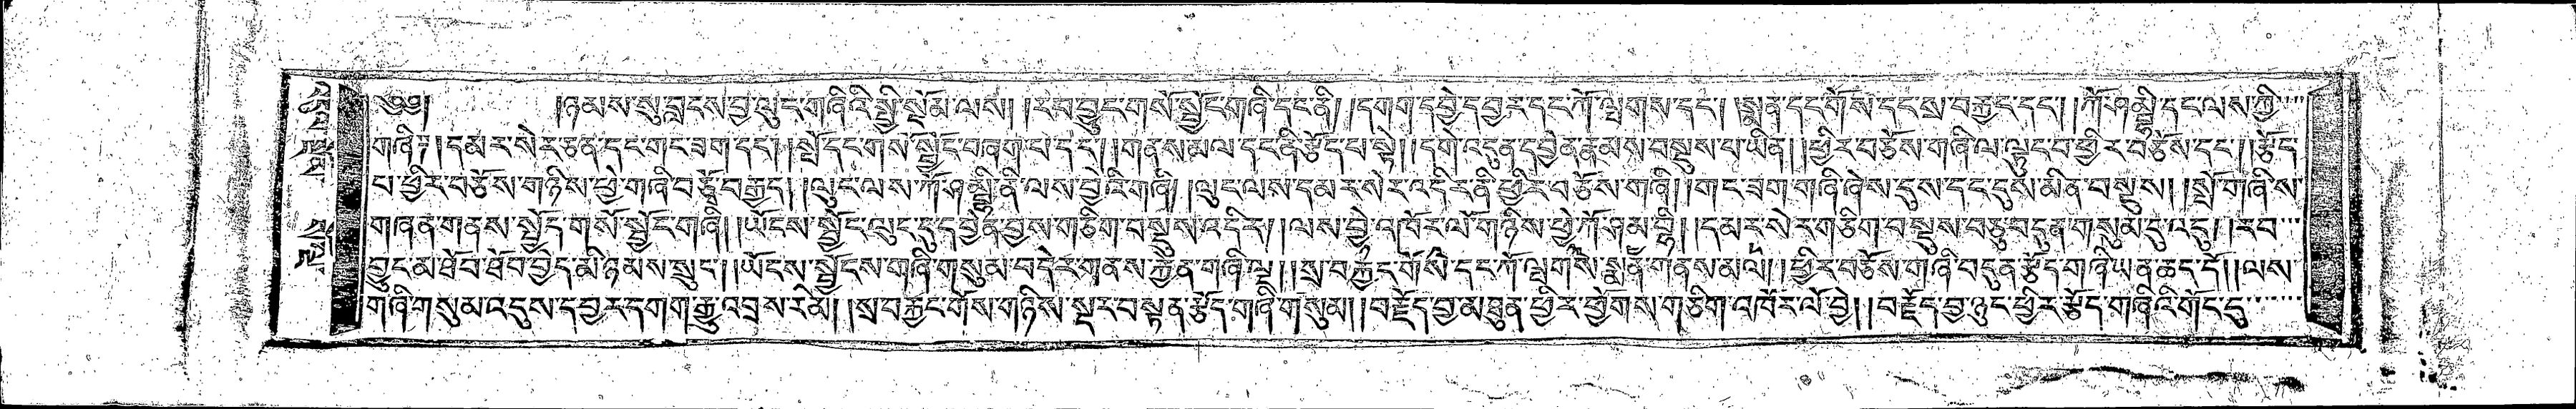༄༅། །ཉམས་སུ་བླངས་བྱ་ལུང་གཞིའི་སྤྱི་སྔོམ་ལས། །རབ་བྱུང་གསོ་སྦྱོང་གཞི་དང་ནི། །དགག་དབྱེ་དབྱར་དང་ཀོ་ལྤགས་དང་། །སྨན་དང་གོས་དང་སྲ་བརྐྱང་དང་། །ཀོ་ཤམྦྷི་དང་ལས་ཀྱི་
གཞི༑ །དམར་སེར་ཅན་དང་གང་ཟག་དང་། །སྤོ་དང་གསོ་སྦྱོང་བཞག་པ་དང་། །གནས་མལ་དང་ནི་རྩོད་པ་སྟེ། །དགེ་འདུན་དབྱེན་རྣམས་བསྡུས་པ་ཡིན། །ཕྱིར་བཅོས་གཞི་ལ་ལྟུང་བ་ཕྱིར་བཅོས་དང་། །རྩོད་
པ་ཕྱིར་བཅོས་གཉིས་ཕྱེ་གཞི་བཅྭོ་བརྒྱད། །ལུང་ལས་ཀོ་ཤམྦྷི་ནི་ལས་བྱེའི་གཞི། །ལུང་ལས་དམར་སེར་འདིར་ནི་ཕྱིར་བཅོས་གཞི། །གང་ཟག་གཞི་ཞེས་དུས་དང་དུས་མིན་བསྡུས། །སྤོ་གཞི་ས་
གཞན་གནས་སྤྱོད་གསོ་སྦྱོང་གཞི། །ཡོངས་སྦྱོང་ལུང་དུ་དབྱེན་བྱས་གཅིག་བསྡུས་འདིར། །ལས་བྱེ་འཁོར་ལོ་གཉིས་ཕྱེ་ཀོ་ཤམ་བྷི། །དམར་སེར་གཅིག་བསྡུས་བཅུ་བདུན་གསུམ་དུ་འདུ། །རབ་
བྱུང་མ་ཐོབ་ཐོབ་བྱེད་མི་ཉམས་སྲུང་། །ཡོངས་སྦྱོངས་གཞི་གསུམ་བདེར་གནས་རྐྱེན་གཞི་ལྔ། །སྲ་བརྐྱང ༡་གོས ༢་དང་ཀོ་ལྤགས ༣་སྨན ༤་གནས་མལ ༥། །ཕྱིར་བཅོས་གཞི་བདུན་རྩོད་གཞི་ཡན་ཅཧད་དོ། །ལས་
གཞི་གསུམ་འདུས་དབྱར་དགག་རྒྱུ་འབྲས་རིམ། །སྲ་བརྐྱང་གོས་གཉིས་སྔར་བསྟན་རྩོད་གཞི་གསུམ། །བརྗོད་བྱ་མཐུན་ཕྱིར་ཕྱོགས་གཅིག་འཁོར་ལོ་བྱེ། །བརྗོད་བྱ་ཉུང་ཕྱིར་རྩོད་གཞིའི་གོང་དུ་